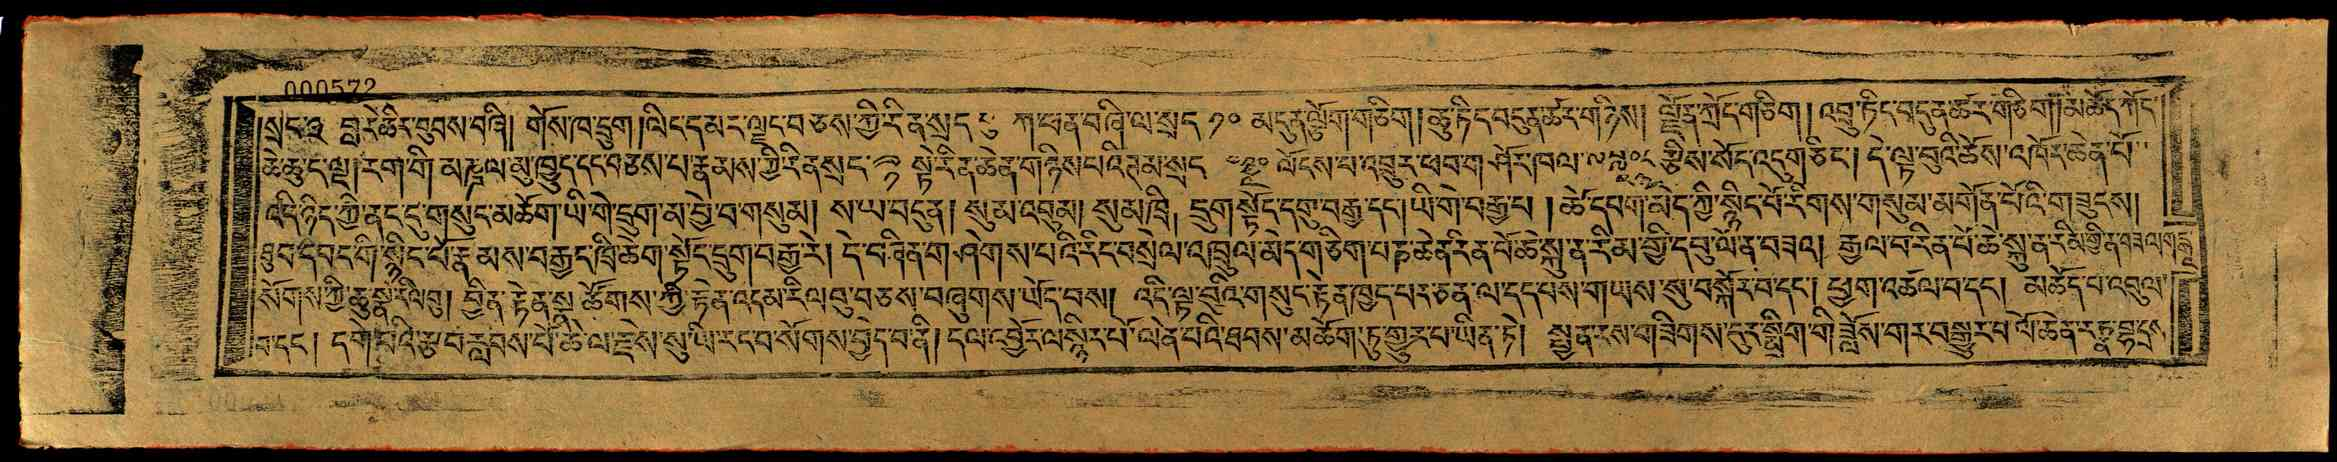པྲང་༣་བླ་རེ་ཞིར་བུབས་བཞི། གོས་ཁ་དྲུག། ལིང་དམར་ལྗང་བཅས་ཀྱི་རིན་སྲང་༨༡་ཀ་ཕན་བཞི་ལ་སྲང་༡༠་མདུན་ལྕོག་གཅིག། །ཆུ་ཏིང་བདུན་ཚར་གཉིས། ལྐོན་ཀྲོང་གཅིག། འབྲུ་ཏིང་བདུན་ཚར་གཅིག། །མཆོག་ཀོའི་
ཆེ་ཆུང་ཝ། རག་གི་མཎྜལ་མུ་ཁྱུད་དང་བཅས་པ་རྣམས་ཀྱི་རིན་སྲིར་ཧ་སྟེ་རིན་ཆེན་གཉིས་པའི་ཊམ་སྲང ༤༩༠༤༩༥་ལོངས་པ་འབྲུར་ཕབ་གཤོར་ཁལ་༧༥༦༨༧༢༣་རྩིས་སོང་འདུག་ཅིང་། དེ་ལྟ་བུའི་ཆོས་འཁོར་ཆེན་པོ་
འདི་ཉིད་ཀྱི་ནང་དུ་གསུང་མཆོག་ཡི་གེ་དྲུག་མ་བྱ་བ་གསུམ། ས་ཡ་བདུན། སུམ་འཕུམ། སུམ་ཁྲི། དྲུག་སྟོང་དགུ་བརྒྱ་དང་། ཡི་གེ་བརྒྱ་པ། ཚེ་དཔག་མེད་ཀྱི་སྙིང་པོ་རིགས་གསུམ་མགོན་པོའི་གཟུངས།
ཐུབ་དབང་གི་སྙིང་པོ་རྣམས་བརྒྱད་ཁྲི་ཚིག་སྟོང་དྲུག་བརྒྱར། དེ་བཞིན་གཤེགས་པའི་རིང་བསྲེལ་འཁྲུལ་མེད་གཅིག་པཎ་ཆེན་རིན་པོ་ཆེ་སྐུ་ན་རིམ་གྱི་དབུ་ལོན་བཟའ། རྒྱལ་བ་རིན་པོ་ཆེ་སྐུ་ན་རིམ་གྱི་ན་བཟལ་གངྒཱ་
སོགས་ཀྱི་ཆུ་སྣ་སྣིལ་བུ། བྱིན་རྟེན་སྣ་ཚོགས་ཀྱི་རྟེན་འདམ་རིལ་བུ་བཅས་བཞུགས་ཡོད་པས། འདི་ལྟ་བུའི་གསུང་རྟན་ཁྱད་པར་ཅན་ལ་དད་པས་གཡས་སུ་བསྐོར་བ་དང་། ཕྱག་འཚལ་བ་དང་། མཆོད་པ་འབུལ་
བ་དག། དགེ་བའི་རྩ་བ་རླབས་པོ་ཆེ་ལ་རྗེས་སུ་ཡི་རང་པ་སོགས་བྱེད་པ་ནི། དལ་འབྱོར་ལ་སྙིང་པ་ལེན་པའི་ཐབས་མཆོག་ཏུ་གྱུར་པ་ཡིན་ཏེ། སྤྱན་རས་གཟིགས་དུར་སྨྲིག་གི་ཟློས་གར་བསྒྱུར་བ་ལོ་ཆེན་རཏྣ་བྷ་བྲམ་